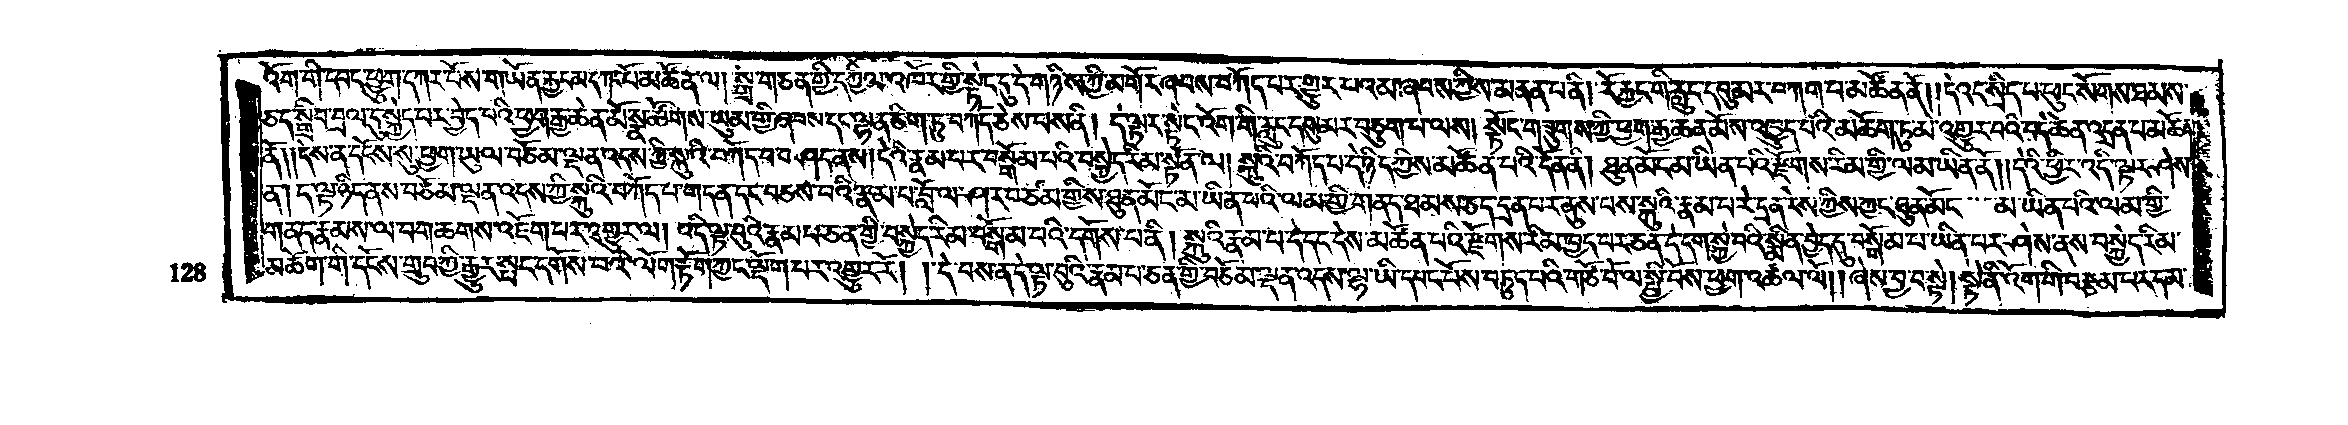འོག་གི་དབང་ཕྱུག་དཀར་པོས་གཡོན་རྐྱང་མ་དཀར་པོ་མཚོན་ལ། སྒྲ་གཅན་གྱི་དཀྱིལ་འཁོར་གྱི་སྟེང་དུ་དེ་གཉིས་ཀྱི་མགོར་ཞབས་བཀོད་པར་གྱུར་པའམ་ཞབས་ཀྱིས་མནན་པ་ནི། རོ་རྐྱང་གི་རླུང་དབུ་མར་བཀག་པ་མཚོན་ནོ། །དེའང་སྲིད་པ་ཕུང་སོགས་ཐམས་
ཅད་སྒྲིབ་བྲལ་དུ་སྐྱེད་པར་བྱེད་པའི་ཕྱག་རྒྱ་ཆན་མོ་སྣ་ཚོགས་ཡུམ་གྱི་ཞབས་དང་ལྷན་ཅིག་ཏུ་བཀོད་ཅེས་པས་ནི། དེ་ལྟར་སྟེང་འོག་གི་རླུང་དབུ་མར་བཅུག་པ་ལས། སྟོང་གཟུགས་ཀྱི་ཕྱག་རྒྱ་ཆེན་མོས་འཁྱུད་པའི་མཆོག་ཏུ་མེ་འགྱུར་བའི་བདེ་ཆེན་འདྲན་པ་མཚོན་
ནོ། །དེས་ན་དངོས་སུ་ཕྱག་ཡུལ་བཅོམ་ལྡན་འདས་ཀྱི་སྐུའི་བཀོད་པ་བཤད་ནས། དེའི་རྣམ་པར་བསྒོམ་པའི་བསྐྱེད་རིམ་སྟོན་ལ། སྐུའི་བཀོད་པ་དེ་ཉིད་ཀྱིས་མཚོན་པའི་དོན་ནི། ཐུན་མོང་མ་ཡིན་པའི་རྫོགས་རིམ་གྱི་ལམ་ཡིན་ནོ། །དེའི་ཕྱིར་འདི་ལྟར་ཤེས་
ན། ད་ལྟ་ཉིད་ནས་བཅོམ་ལྡན་འདས་ཀྱི་སྐུའི་བཀོད་པ་གདན་དང་བཅས་པའི་རྣམ་པ་བློ་ལ་ཤར་པ་ཙམ་གྱིས་ཐུན་མོང་མ་ཡིན་པའི་ལམ་གྱི་གནད་ཐམས་ཅད་དྲན་པར་ནུས་པས་སྐུའི་རྣམ་པ་རེ་དྲན་རེས་ཀྱིས་ཀྱང་ཐུན་མོང་མ་ཡིན་པའི་ལམ་གྱི་
སེམས་ཅན་དེ་རྣམས་ལ་བག་ཆགས་འཇོག་པར་འགྱུར་ལ། འདི་ལྟ་བུའི་རྣམ་པ་ཅན་གྱི་བསྐྱེད་རིམ་བསྒོམ་པའི་དགོས་པ་ནི། སྐུའི་རྣམ་པ་དེ་དང་དེས་མཚོན་པའི་རྫོགས་རིམ་ཁྱད་པར་ཅན་དེ་དག་སྐྱེ་བའི་སྨིན་བྱེད་དུ་བསྒོམ་པ་ཡིན་པར་ཤེས་ནས་བསྐྱེད་རིམ་
མཆོག་གི་དངོས་གྲུབ་ཀྱི་རྒྱུར་སྤང་དགོས་པའི་ལོག་རྟོག་ཀྱང་ལྡོག་པར་འགྱུར་རོ། །དེ་བས་ན་དེ་ལྟ་བུའི་རྣམ་པ་ཅན་གྱི་བཅོམ་ལྡན་འདས་ལྷ་ཡི་དབང་པོས་བཏུད་པའི་གཙོ་བོ་ལ་སྤྱི་བོས་ཕྱག་འཚལ་ལོ། །ཞེས་བྱ་བ་སྟེ། སྟེ་ནི་འོག་གི་བརྩམ་པར་དམ་